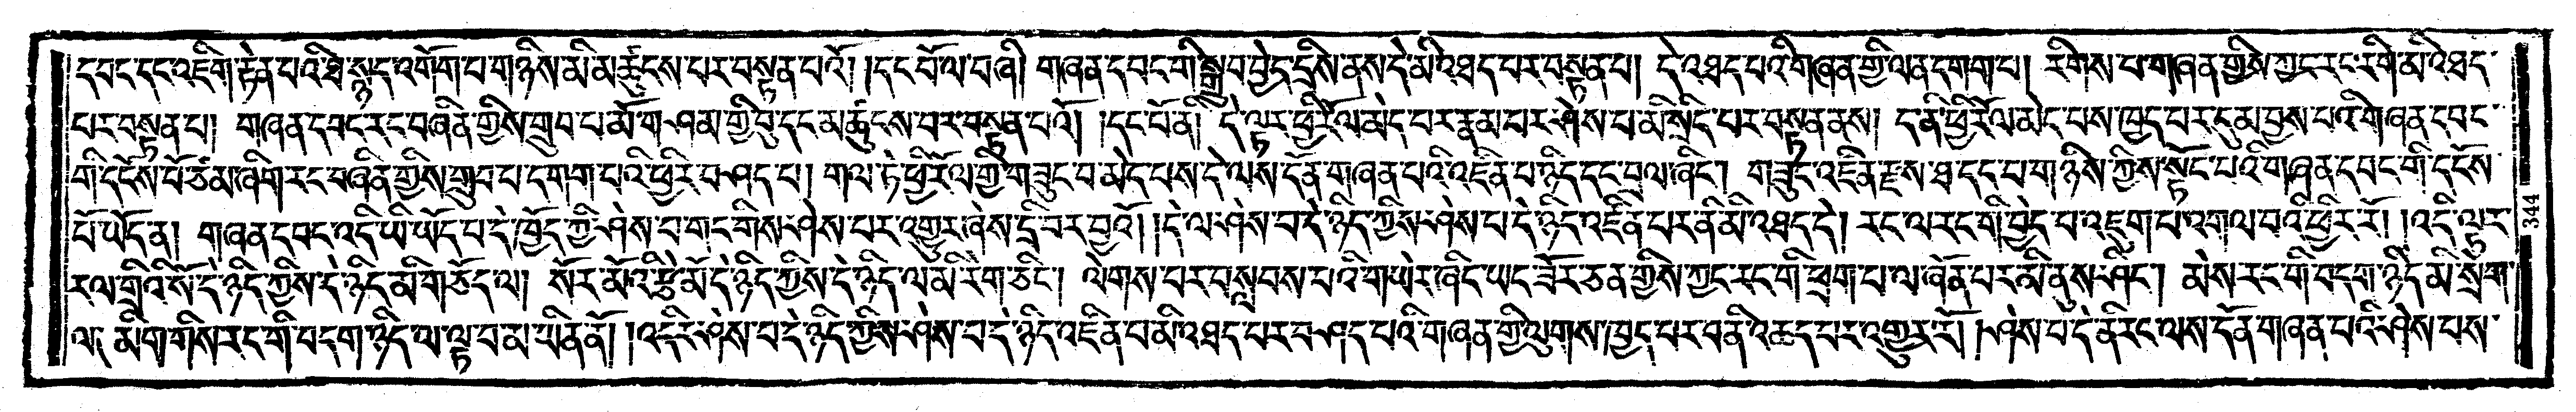དབང་དང་འཇིག་རྟེན་པའི་ཐ་སྙད་འགོག་པ་གཉིས་མི་མཚུངས་པར་བསྟན་པའོ། །དང་པོ་ལ་བཞི། གཞན་དབང་གི་སྒྲུབ་བྱེད་དྲིས་ནས་དེ་མི་འཐད་པར་བསྟན་པ། དེ་འཐད་པའི་གཞན་གྱི་ལན་དགག་པ། རིགས་པ་གཞན་གྱིས་ཀྱང་རང་རིག་མི་འཐད་
པར་བསྟན་པ། གཞན་དབང་རང་བཞིན་གྱིས་གྲུབ་པ་མོ་གཤམ་ཀྱི་བུ་དང་མཚུངས་པར་བསྟན་པའོ། །དང་པོ་ནི། དེ་ལྟར་ཕྱི་རོལ་མེད་པར་རྣམ་ཤེས་པ་མི་སྲིད་པར་བསྟན་ནས། ད་ནི་ཕྱི་རོལ་མེད་པས་ཁྱད་པར་དུ་མ་བྱས་པའི་གཞན་དབང་
གི་དངོས་པོ་ཙམ་ཞིག་རང་བཞིན་གྱིས་གྲུབ་པ་དགག་པའི་ཕྱིར་བཤད་པ། གལ་ཏེ་ཕྱི་རོལ་གྱི་གཟུང་བ་མེད་པས་དེ་ལས་དོན་གཞན་པའི་འཛིན་པ་ཉིད་དང་བྲལ་ཞིང་། གཟུང་འཛིན་རྫས་ཐ་དད་པ་གཉིས་ཀྱིས་སྟོང་པའི་གཞན་དབང་གི་དངོས་
པོ་ཡོད་ན། གཞན་དབང་འདི་ཡི་ཡོད་པ་དེ་ཁྱོད་ཀྱི་ཤེས་པ་གང་གིས་ཤེས་པར་འགྱུར་ཞེས་དྲི་བར་བྱའོ། །དེ་ལ་ཤེས་པ་དེ་ཉིད་ཀྱིས་ཤེས་པ་དེ་ཉིད་འཛིན་པར་ནི་མི་འཐད་དེ། རང་ལ་རང་གི་བྱེད་པ་འཇུག་པ་འགལ་པའི་ཕྱིར་རོ། །འདི་ལྟར་
རལ་གྲིའི་སོ་དེ་ཉིད་ཀྱིས་དེ་ཉིད་མི་གཅོད་ལ། སོར་མོའི་རྩེ་མོ་དེ་ཉིད་ཀྱིས་དེ་ཉིད་ལ་མི་རེག་ཅིང་། ལེགས་པར་བསླབས་པའི་གཡེར་ཞིང་ཡང་ཟོར་ཅན་གྱིས་ཀྱང་རང་གི་ཕྲག་པ་ལ་ཞོན་པར་མི་ནུས་ཤིང་། མེས་རང་གི་བདག་ཉིད་མི་སྲེག་
ལ༑ མིག་གིས་རང་གི་བདག་ཉིད་ལ་ལྟ་བ་མ་ཡིན་ནོ། །འདིར་ཤེས་པ་དེ་ཉིད་ཀྱིས་ཤེས་པ་དེ་ཉིད་འཛིན་པ་མི་འཐད་པར་བཤད་པའི་གཞན་གྱི་ལུགས་ཁྱད་པར་བ་ནི་འཆད་པར་འགྱུར་རོ། །ཤེས་པ་དེ་ནི་རང་ལས་དོན་གཞན་པའི་ཤེས་པས་